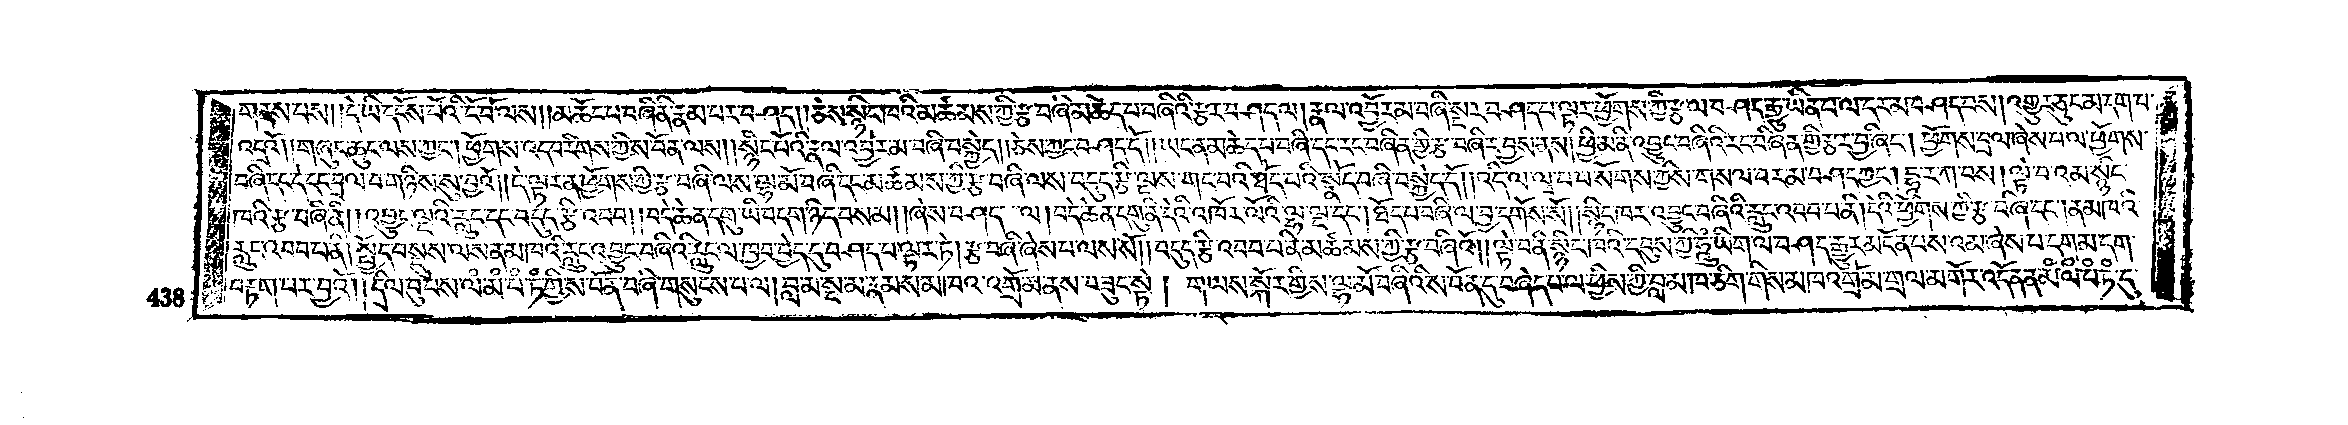གནས་པས། །དེ་ཡི་དངོས་པོའི་ངོ་བོ་ལས། །མཆོད་པ་བཞིན་ནི་རྣམ་པར་བཤད། །ཅེས་སྙིང་ཁའི་མཚམས་ཀྱི་རྩ་བཞི་མཆོད་པ་བཞིའི་རྩར་བཤད་ལ། རྣལ་འབྱོར་མ་བཞི་སྔར་བཤད་པ་ལྟར་ཕྱོགས་ཀྱི་རྩ་ལ་བཤད་རྒྱུ་ཡིན་པ་ལ་དེར་མ་བཤད་པས། འགྱུར་ཅུང་མ་དག་པ་
འདྲའོ། །གཞུང་ཆུང་ལས་ཀྱང་། ཕྱོགས་འདབ་རིགས་ཀྱི་ས་བོན་ལས། །སྙིང་པོའི་རྣལ་འབྱོར་མ་བཞི་བསྐྱེད། །ཅེས་ཀྱང་བཤད་དོ། །ཡང་ན་མཆེད་པ་བཞི་དང་རང་བཞིན་གྱི་རྩ་བཞིར་བྱས་ནས། ཕྱི་མ་ནི་འབྱུང་བཞིའི་རང་བཞིན་གྱི་རྩར་བྱ་ཞིང་། ཕྱོགས་བྲལ་ཞེས་པ་ལ་ཕྱོགས་
བཞི་དང་དེ་དང་བྲལ་བ་གཉིས་སུ་བྱའོ། །དེ་ལྟར་ན་ཕྱོགས་ཀྱི་རྩ་བཞི་ལས་ལྷ་མོ་བཞི་དང་མཚམས་ཀྱི་རྩ་བཞི་ལས་བདུད་རྩི་ལྔས་གང་བའི་ཐོད་པའི་སྣོད་བཞི་བསྐྱེད་དོ། །འདི་ལ་ལྭ་བ་པ་སོགས་ཀྱིས་གསལ་བར་མ་བཤད་ཀྱང་། དྷཱ་རི་ཀ་བས། ལྟེ་བ་འམ་སྙིང་
ཁའི་རྩ་བཞི་ནི། །འབྱུང་ལྔའི་རླུང་དང་བདུད་རྩི་འབབ། །བདེ་ཆེན་དགུ་ཡི་བདག་ཉིད་བསམ། །ཞེས་བཤད་ལ། བདེ་ཆེན་དགུ་ནི་དེའི་འཁོར་ལོའི་ལྷ་ལྔ་དང་། ཐོད་པ་བཞི་ལ་བྱ་དགོས་སོ། །སྙིང་ཁར་འབྱུང་བཞིའི་རླུང་འབབ་པ་ནི། དེའི་ཕྱོགས་ཀྱི་རྩ་བཞི་དང་། ནམ་མཁའི་
རླུང་འབབ་པ་ནི། སྤྱོད་བསྡུས་ལས་ནམ་མཁའི་རླུང་འབྱུང་བཞིའི་རླུང་ལ་ཁྱབ་བྱེད་དུ་བཤད་པ་ལྟར་ཏེ། རྩ་བཞི་ཞེས་པ་ལས་སོ། །བདུད་རྩི་འབབ་པ་ནི་མཚམས་ཀྱི་རྩ་བཞིའོ། །ལྟེ་བ་ནི་སྙིང་ཁའི་དབུས་ཀྱི་ཧཱུཾ་ཡིག་ལ་བཤད་རྒྱུར་མངོན་པས་འམ་ཞེས་པ་དག་མ་དག་
བརྟག་པར་བྱའོ། །དྲིལ་བུ་པས་ལཾ་མཾ་པཾ་ཏཾ་གྱི་ས་བོན་བཞི་གསུངས་པ་ལ། བླ་མ་སྔ་མ་རྣམས་མཁའ་འགྲོ་མ་ནས་བཟུང་སྟེ། གཡས་སྐོར་གྱིས་ལྷ་མོ་བཞིའི་ས་བོན་དུ་བཞེད་པ་ལ་ཕྱིས་ཀྱི་བླ་མ་ཁ་ཅིག་གིས་མཁའ་འགྲོ་མ་གྲལ་མགོར་འདོན་ན་མཾ་ལཾ་པཾ་ཏཾ་དུ་